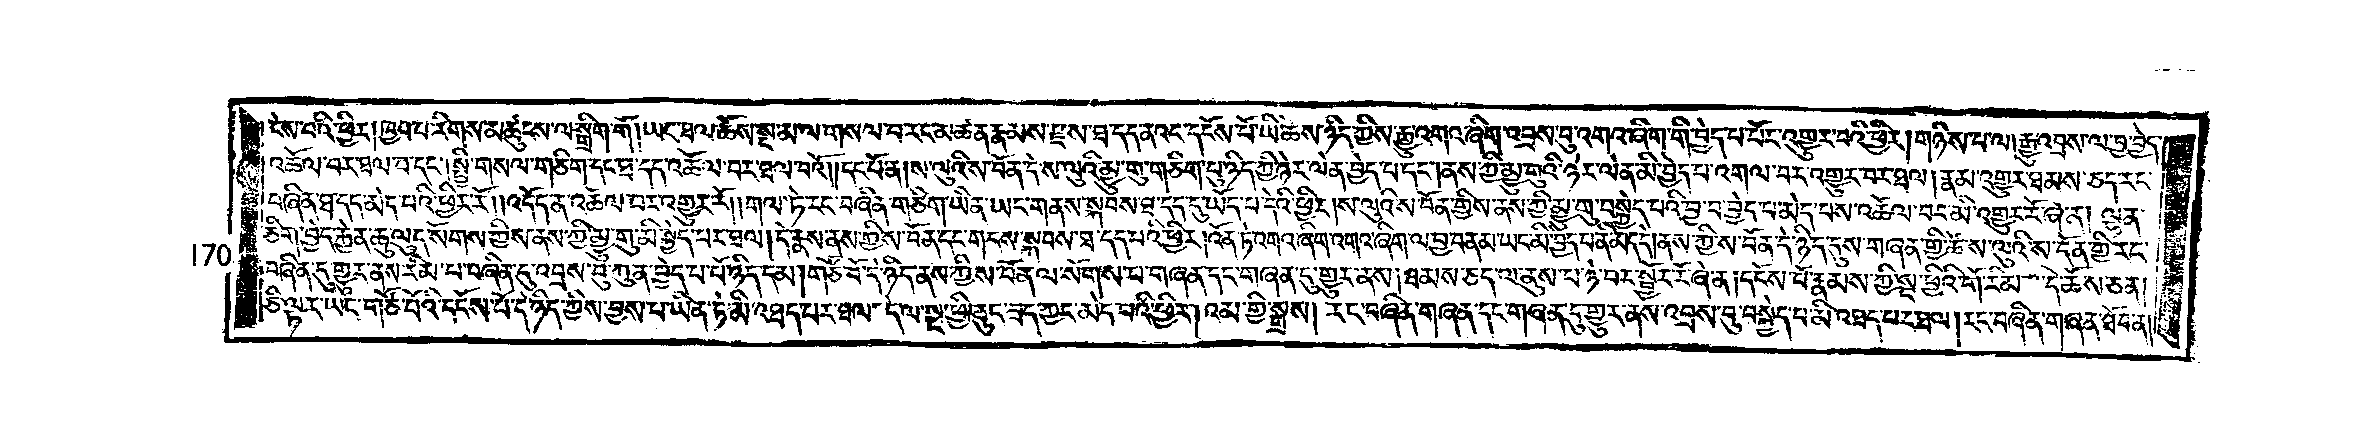ངེས་པའི་ཕྱིར། ཁྱབ་པ་རིགས་མཚུངས་ལ་སྒྲིག་གོ། ཡང་ཐལ་ཆོས་སྔ་མ་ལ་གསལ་བ་རང་མཚན་རྣམས་རྫས་ཐ་དད་ནའང་དངོས་པོ་ཡི་ཆོས་ཉིད་ཀྱིས་རྒྱུ་འགའ་ཞིག་འབྲས་བུ་འགའ་ཞིག་གི་བྱེད་པ་པོར་འགྱུར་བའི་ཕྱིར། གཉིས་པ་ལ། རྒྱུ་འབྲས་ལ་བྱ་བྱེད་
འཚོལ་བར་ཐལ་བ་དང་། སྤྱི་གསལ་གཅིག་དང་ཐ་དད་འཆོལ་བར་ཐལ་བའོ། །དང་པོ་ནི། ས་ལུའི་ས་བོན་དེ་ས་ལུའི་མྱུ་གུ་གཅིག་པུ་ཉིད་ཀྱི་ཉེར་ལེན་བྱེད་པ་དང་། ནས་ཀྱི་མྱུ་གུའི་ཉེར་ལེན་མི་བྱེད་པ་འགལ་བར་འགྱུར་བར་ཐལ། རྣམ་འགྱུར་ཐམས་ཅད་རང་
བཞིན་ཐ་དད་མེད་པའི་ཕྱིར་རོ། །འདོད་ན་འཚོལ་བར་འགྱུར་རོ། །གལ་ཏེ་རང་བཞིན་གཅིག་ཡིན་ཡང་གནས་སྐབས་ཐ་དད་དུ་ཡོད་པ་དེའི་ཕྱིར། ས་ལུའི་ས་བོན་གྱིས་ནས་ཀྱི་མྱུ་གུ་བསྐྱེད་པའི་བྱ་བ་བྱེད་པ་མེད་པས་འཆོལ་བར་མི་འགྱུར་རོ་ཞེ་ན། ལྷན་
ཅིག་བྱེད་རྐྱེན་ཆུ་ལུད་སོགས་ཀྱིས་ནས་ཀྱི་མྱུ་གུ་མི་སྐྱེད་པར་ཐལ། དེ་རྣས་ནས་ཀྱི་ས་བོན་དང་གངས་སྐབས་ཐ་དད་པའི་ཕྱིར། འོན་ཏེ་འགའ་ཞིག་འགའ་ཞིག་ལ་བྱ་བ་ནམ་ཡང་མི་བྱེད་པ་ནི་མེད་དེ། ནས་ཀྱི་ས་བོན་དེ་ཉིད་དུས་གཞན་གྱི་ཚེ་ས་ལུའི་ས་དོན་གྱི་རང་
བཞིན་དུ་གྱུར་ནས་རིམ་པ་བཞིན་དུ་འབྲས་བུ་ཀུན་བྱེད་པ་པོ་ཉིད་དམ། གཙོ་བོ་དེ་ཉིད་ནས་ཀྱི་ས་བོན་ལ་སོགས་པ་གཞན་དང་གཞན་དུ་གྱུར་ནས། ཐམས་ཅད་ལ་ནུས་པ་ཉེ་བར་སྦྱོར་རོ་ཞེ་ན། དངོས་པོ་རྣམས་ཀྱི་སྔ་ཕྱིའི་གོ་རིམ་དེ་ཆོས་ཅན།
ཅི་ལྟར་ཡང་གཙོ་བོའི་དངོས་པོ་དེ་ཉིད་ཀྱིས་བྱས་པ་ཡིན་ཏེ་མི་འཐད་པར་ཐལ་དེ་ལ་སྔ་ཕྱི་ཅུང་ཟད་ཀྱང་མེད་པའི་ཕྱིར། འམ་གྱི་སྒྲས། རང་བཞིན་གཞན་དང་གཞན་དུ་གྱུར་ནས་འབྲས་བུ་བསྐྱེད་པ་མི་འཐད་པར་ཐལ། རང་བཞིན་གཞན་ཐོབ་ན།